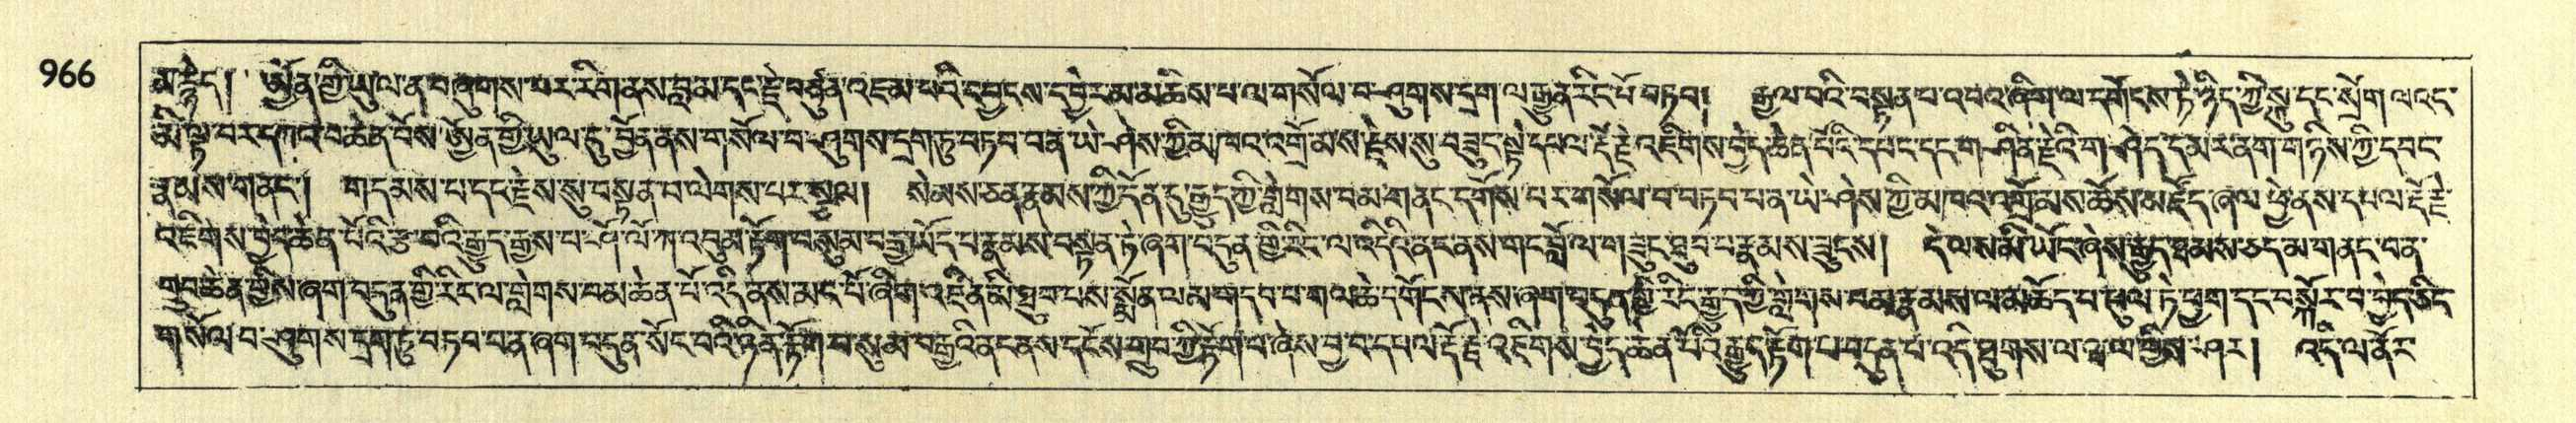མ་རྙེད། ཨཡོན་གྱི་ཡུལ་ན་བཞུགས་པར་རིག་ནས་བླ་མ་དང་རྗེ་བཙུན་འཇམ་པའི་དབྱངས་དབྱེར་མ་མཆིས་པ་ལ་གསོལ་བ་ཤུགས་དྲག་ལ་རྒྱུན་རིང་པོ་བཏབ། རྒྱལ་བའི་བསྟན་པ་འབའ་ཞིག་ལ་དགོངས་ཏེ་ཉིད་ཀྱི་སྐུ་དང་སྲོག་ལའང་
མི་ལྟ་བར་དཀའ་བ་ཆེན་པོས་ཨཡོན་གྱི་ཡུལ་དུ་བྱོན་ནས་གསོལ་བ་ཤུགས་དྲག་ཏུ་བཏབ་བན་ཡེ་ཤེས་ཀྱི་མཁའ་འགྲོ་མས་རྗེས་སུ་བཟུང་སྟེ་དཔལ་རྡོ་རྗེ་འཇིགས་བྱེད་ཆེན་པོའི་དབང་དང་གཤིན་རྗེའི་གཤེད་དམར་ནག་གཉིས་ཀྱི་དབང་
རྣམས་གནང་། གདམས་པ་དང་རྗེས་སུ་བསྟན་པ་ལེགས་པར་སྩལ། སེམས་ཅན་རྣམས་ཀྱི་དོན་དུ་རྒྱུད་ཀྱི་གླེགས་བམ་གནང་དགོས་པར་གསོལ་བ་བཏབ་པ་ན་ཡེ་ཤེས་ཀྱི་མཁའ་འགྲོ་མས་ཆོས་མཛོད་ཞལ་ཕྱེ་ནས་དཔལ་རྡོ་རྗེ་
འཇིགས་བྱེད་ཆེན་པོའི་རྩ་བའི་རྒྱུད་རྒྱས་པ་ཤོ་ལོ་ཀ་འབུམ་རྟོག་བ་སུམ་བརྒྱ་ཡོད་པ་རྣམས་བསྟན་ཏེ་ཞག་བདུན་གྱི་རིང་ལ་འདིའི་ནང་ནས་གང་བློ་ལ་གཟུང་ཐུབ་པ་རྣམས་ཟུངས། དེ་ལས་མི་ཡོང་ཞེས་རྒྱུད་ཐམས་ཅད་མ་གནང་བ་ན་
གྲུབ་ཆེན་གྱིས་ཞག་བདུན་གྱི་རིང་ལ་གླེགས་བམ་ཆེན་པོ་འདི་ནས་མང་པོ་ཞིག་འཛིན་མི་ཐུབ་པས་སྨོན་ལམ་གདབ་པ་གལ་ཆེ་དགོངས་ནས་ཞག་བདུན་གྱི་རིང་རྒྱུད་ཀྱི་གླེགས་བམ་རྣམས་ལ་མཆོད་པ་ཕུལ་ཏེ་ཕྱག་དང་བསྐོར་བ་བྱེད་ཅིང་
གསོལ་བ་ཤུགས་དྲག་ཏུ་བཏབ་པ་ན་ཞག་བདུན་སོང་བའི་ཉིན་རྟོག་བ་སུམ་བརྒྱའི་ནང་ནས་དངོས་གྲུབ་ཀྱི་རྟོག་པ་ཞེས་བྱ་བ་དཔལ་རྡོ་རྗེ་འཇིགས་བྱེད་ཆེན་པོའི་རྒྱུད་རྟོག་པ་བདུན་པ་འདི་ཐུགས་ལ་ཝ་ལ་གྱིས་ཤར། འདི་ལ་ནོར་